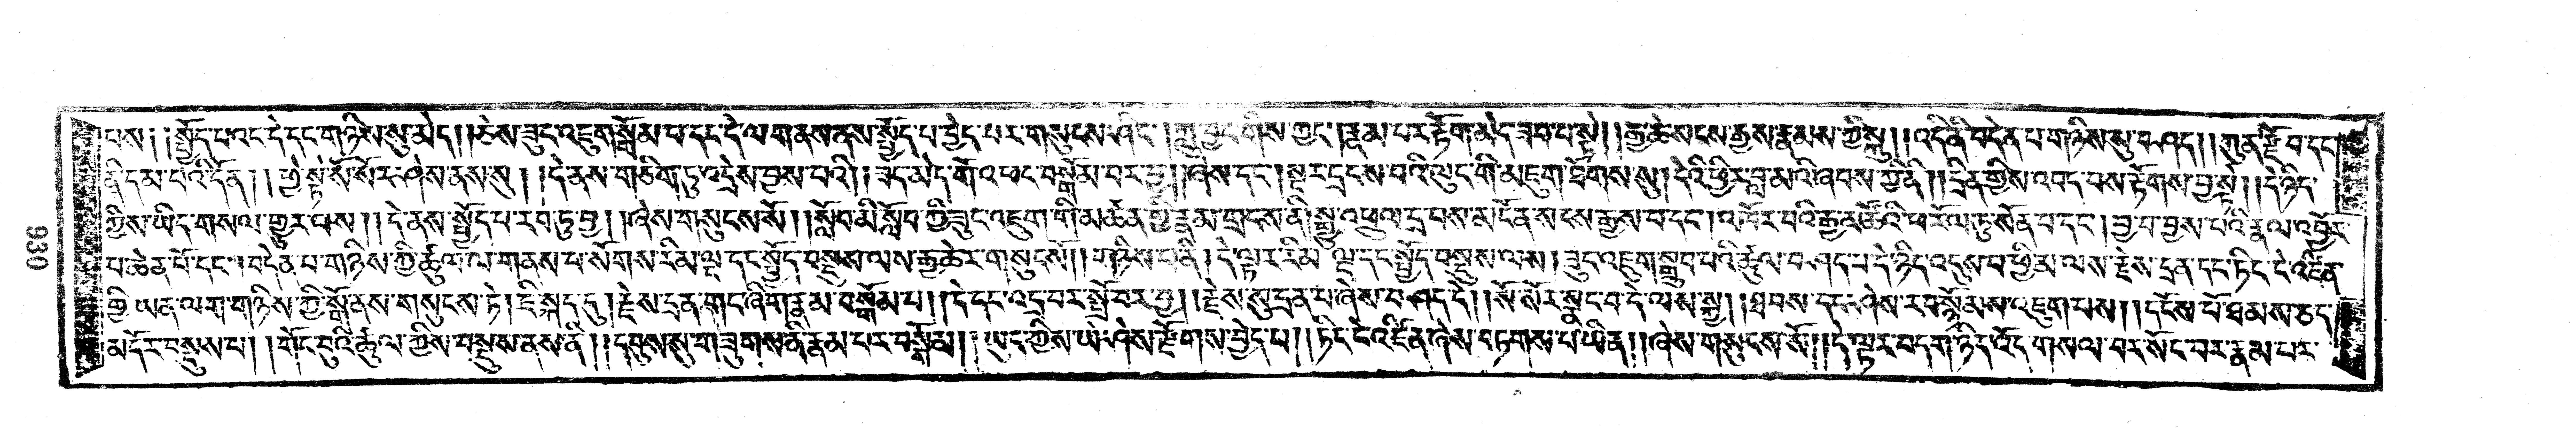པས། །སྤྱོད་པའང་དེ་དང་གཉིས་སུ་མེད། །ཅེས་ཟུང་འཇུག་སྒོམ་པ་དང་དེ་ལ་གནས་ནས་སྤྱོད་པ་བྱེད་པར་གསུངས་ཤིང་། ཀླུ་བྱང་གིས་ཀྱང་། རྣམ་པར་རྟོག་མེད་ཟབ་པ་སྟེ། །རྒྱ་ཆ་སངས་རྒྱས་རྣམས་ཀྱི་སྐུ། །འདི་ནི་བདེན་པ་གཉིས་སུ་བཤད། །ཀུན་རྫོབ་དང་
ནི་དམ་པའི་དོན། །ཕྱེ་སྟེ་སོ་སོར་ཤེས་ནས་སུ། །དེ་ནས་གཅིག་ཏུ་འདྲེས་བྱས་པའི། །ཟད་མེད་གོ་འཕང་བསྒོམ་པར་བྱ། །ཞེས་དང་། སྔར་དྲངས་པའི་ལུང་གི་མཇུག་ཐོགས་སུ། དེའི་ཕྱིར་བླ་མའི་ཞབས་ཀྱི་ནི། །དྲིན་གྱིས་འབད་པས་རྟོགས་བྱ་སྟེ། །དེ་ཉིད་
ཀྱིས་ཡིད་གསལ་གྱུར་པས། །དེ་ནས་སྤྱོད་པ་རབ་ཏུ་བྱ། །ཞེས་གསུངས་ས། །སློབ་མི་སློབ་ཀྱི་ཟུང་འཇུག་གི་མཆན་གྱི་རྣམ་གྲངས་ནི། སྒྱུ་འཕྲུལ་དྲ་བས་མངོན་སངས་རྒྱས་པ་དང་། འཁོར་བའི་རྒྱ་མཚོའི་ཕ་རོལ་ཏུ་སོན་པ་དང་། བྱ་བ་བྱས་པའི་རྣལ་འབྱོར་
པ་ཆེན་པོ་དང་། བདེན་པ་གཉིས་ཀྱི་ཚུལ་ལ་གནས་པ་སོགས་རིམ་ལྔ་དང་སྤྱོད་བསྡུས་ལས་རྒྱ་ཆེར་གསུངས་སོ། །གཉིས་པ་ན། དེ་ལྟར་རིམ་ལྔ་དང་སྤྱོད་བསྡུས་ལས། ཟུང་འཇུག་སྒྲུབ་པའི་ཚུལ་བཤད་པ་དེ་ཉིད་འདུས་པ་ཕྱི་མ་ལས་རྗེས་དྲན་དང་ཏིང་ངེ་འཛིན་
གྱི་ཡན་ལག་གཉིས་ཀྱི་སྒོ་ནས་གསུངས་ཏེ། ཇི་སྐད་དུ། རྗེས་དྲན་གང་ཞིག་རྣམ་བསྒོམ་པ། །དེ་དང་འདྲ་བར་སྤྲོ་བར་བྱ། །རྗེས་སུ་དྲན་པ་ཞས་བཤད་དོ། །སོ་སོར་སྣང་བ་དེ་ལས་སྐྱེ། །ཐབས་དང་ཤེས་རབ་སྙོམས་འཇུག་པས། །དངོས་པོ་ཐམས་ཅད་
མདོར་བསྡུས་པ། །གོང་བུའི་ཚུལ་གྱིས་བསྡུས་ནས་ནི། །དབུས་སུ་གཟུགས་ནི་རྣམ་པར་བསྒོམ། །ཡུད་ཀྱིས་ཡི་ཤེས་རྫོགས་བྱེད་པ། །ཏིང་ངེ་འཛིན་ཞེས་བཏགས་པ་ཡིན། །ཞེས་གསུངས་སོ། །དེ་ལྟར་བདག་ཉིད་འོད་གསལ་བར་སོང་བར་རྣམ་པར་